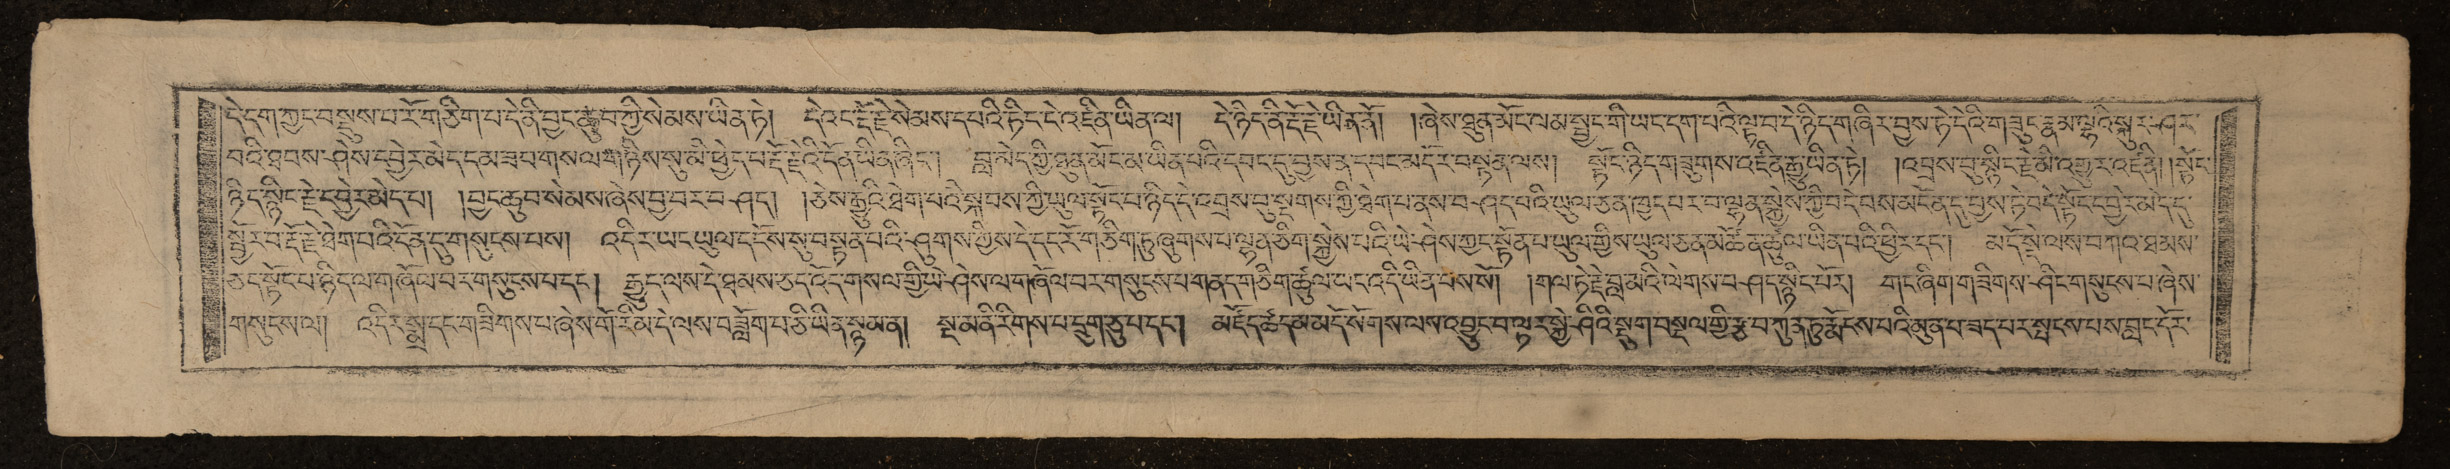དེ་དག་ཀྱང་བསྡུས་པ་རོ་གཅིག་པ་དེ་ནི་བྱང་ཆུབ་ཀྱི་སེམས་ཡིན་ཏེ། དེའང་རྡོ་རྗེ་སེམས་དཔའི་ཏིང་ངེ་འཛིན་ཡིན་ལ། དེ་ཉིད་ནི་རྡོ་རྗེ་ཡིན་ནོ། །ཞེས་ཐུན་མོང་ལམ་སྦྱང་གི་ཡང་དག་པའི་ལྟ་བ་དེ་ཉིད་གཞིར་བྱས་ཏེ་དེའི་གཟུང་རྣམ་ལྷའི་སྐུར་ཤར་
པའི་ཐབས་ཤེས་དབྱེར་མེད་དམ་ཟབ་གསལ་གཉིས་སུ་མི་ཕྱེད་པ་རྡོ་རྗེའི་དོན་ཡིན་ཞིང་། བླ་མེད་ཀྱི་ཐུན་མོང་མ་ཡིན་པའི་དབང་དུ་བྱས་ན་དབང་མདོར་བསྟན་ལས། སྟོང་ཉིད་གཟུགས་འཛིན་རྒྱུ་ཡིན་ཏེ། །འབྲས་བུ་སྙིང་རྗེ་མི་འགྱུར་འཛིན། །སྟོང་
ཉིད་སྙིང་རྗེ་དབྱེར་མེད་པ། །བྱང་ཆུབ་སེམས་ཞེས་བྱ་བར་བཤད། །ཅེས་རྒྱུའི་ཐེག་པའི་སྐབས་ཀྱི་ལུ་ལ་སྟོང་པ་ཉིད་དེ་འབྲས་བུ་སྔགས་ཀྱི་ཐེག་པ་ནས་བཤད་པའི་ཡུལ་ཅན་ཁྱད་པར་བ་ལྷན་སྐྱེས་ཀྱི་བདེ་བས་མངོན་དུ་བྱས་ཏེ་བདེ་སྟོང་དབྱེར་མེད་དུ་
སྦྱོར་བ་རྡོ་རྗེ་ཐེག་པའི་དོན་དུ་གསུངས་པས། འདིར་ཡང་ཡུལ་དངོས་སུ་བསྟན་པའི་ཤུགས་ཀྱིས་དེ་དང་རོ་གཅིག་ཏུ་ཞུགས་པ་ལྷན་ཅིག་སྐྱེས་པའི་ཡེ་ཤེས་ཀྱང་སྟོན་པ་ཡུལ་གྱིས་ཡུལ་ཅན་མཚོན་ཚུལ་ཡིན་པའི་ཕྱིར་དང་། མདོ་སྡེ་ལས་བཀའ་ཐམས་
ཅད་སྟོང་པ་ཉིད་ལ་གཞོལ་བར་གསུངས་པ་དང་། རྒྱུད་ལས་དེ་ཐམས་ཅད་འོད་གསལ་གྱི་ཡེ་ཤེས་ལ་གཞོལ་བར་གསུངས་པ་གནད་གཅིག་ཚུལ་ཡང་འདི་ཡིན་པས་སོ། །གལ་ཏེ་རྗེ་བླ་མའི་ལེགས་བཤད་སྙིང་པོར། གང་ཞིག་གཟིགས་ཤིང་གསུངས་པ་ཞེས་
གསུངས་ལ། འདིར་སྨྲ་དང་གཟིགས་པ་ཞེས་གོ་རིམ་དེ་ལས་བཟློག་པ་ཅི་ཡིན་སྙམ་ན། སྔ་མ་ནི་རིགས་པ་དྲུག་ཅུ་པ་དང་། མཛོད་ཚད་མ་མདོ་སོགས་ལས་འབྱུང་བ་ལྟར་སྐྱེ་ཤིའི་སྡུག་བསྔལ་གྱི་རྩ་བ་ཀུན་ཏུ་རྨོངས་པའི་མུན་བ་ཟད་པར་སྤངས་པས་བླང་དོར་